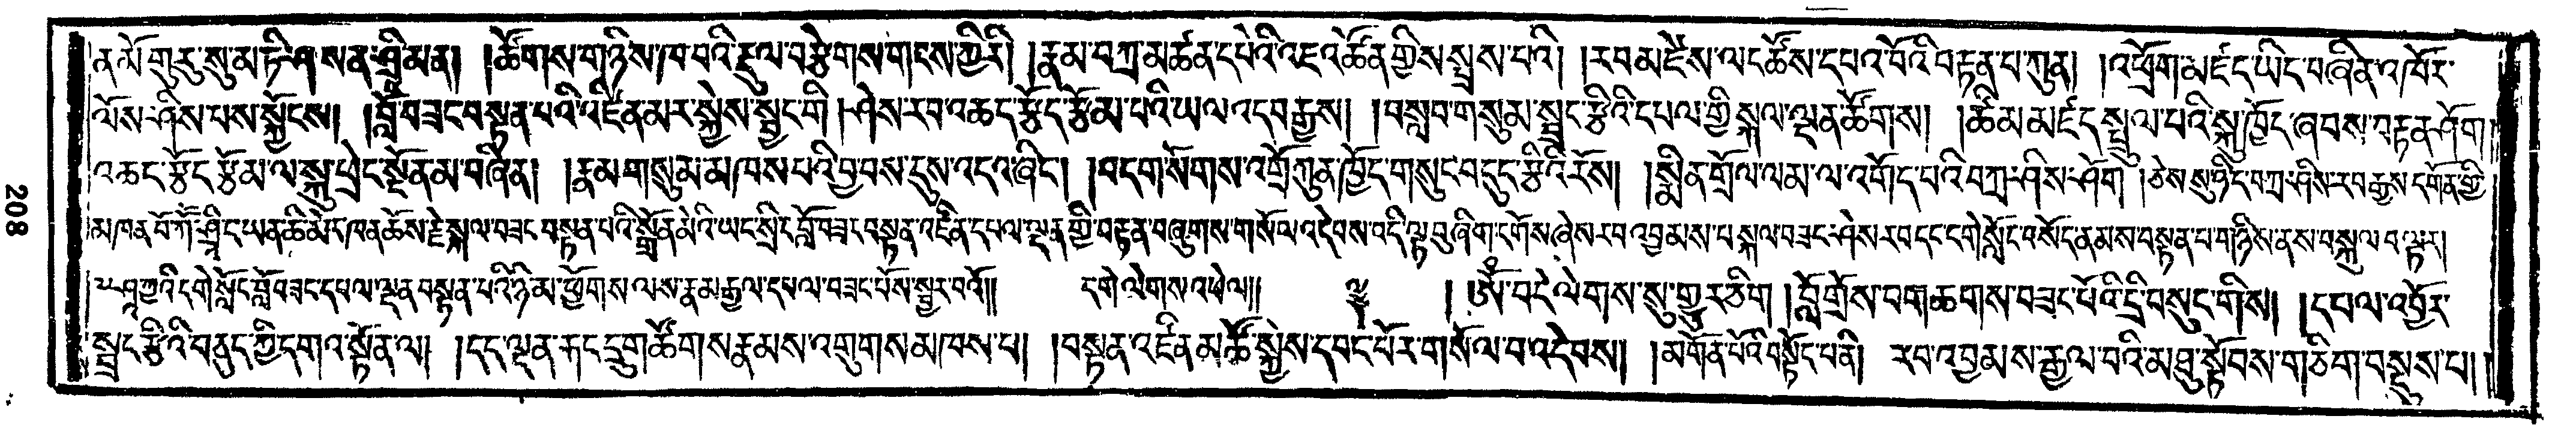ན་མོ་གུ་རུ་སུ་མ་ཏི་ཤས་ན་ཤྲཱི་མན། །ཚོགས་གཉིས་ཁ་བའི་རྡུལ་བརྩེགས་གངས་ཀྱི་རི། །རྣམ་བཀྲ་མཚན་དཔེའི་འཇའ་ཚོན་གྱིས་སྤྲས་པའི། །རབ་མཛེས་ལང་ཚོས་དཔའ་བོའི་བརྟན་པ་ཀུན། །འཕྲོག་མཛད་ཡིད་བཞིན་འཁོར་
ལོས་ཤིས་པས་སྐྱོངས། །བློ་བཟང་བསྟན་པའི་འཛིན་མར་སྐྱེས་སྦྱང་གི །ཤེས་རབ་འཆད་རྩོད་རྩོམ་པའི་ཡལ་འདབ་རྒྱས། །བསླབ་གསུམ་སྦྲང་རྩིའི་དཔལ་གྱི་སྐལ་ལྡན་ཚོགས། །ཚིམ་མཛད་སྤྲུལ་པའི་སྐུ་ཁྱོད་ཞབས་བརྟན་ཤོག།
འཆང་རྩོད་རྩོམ་ལ་སྐུ་ཕྲེང་སྔོན་མ་བཞིན། །རྣམ་གསུམ་མཁས་པའི་བྱ་བས་དུས་འདའ་ཞིང་། །བདག་སོགས་འགྲོ་ཀུན་ཁྱོད་གསུང་བདུད་རྩིའི་རོས། །སྨིན་གྲོལ་ལམ་ལ་འགོད་པའི་བཀྲ་ཤིས་ཤོག །ཅེས་སུ་ཉིད་བཀྲ་ཤིས་རབ་རྒྱས་དགོན་གྱི་
མཁན་བོ་ཀཽ་ཤྲཱི་ང་ཡན་ཆི་མེར་ཁན་ཆོས་རྗེ་སྐལ་བཟང་བསྟན་པའི་སྒྲོན་མེའི་ཡང་སྲིད་བློ་བཟང་བསྟན་འཛིན་དཔལ་ལྡན་གྱི་བརྟན་བཞུགས་གསོལ་འདེབས་འདི་ལྟ་བུ་ཞིག་དགོས་ཞེས་རབ་འབྱམས་པ་སྐལ་བཟང་ཤེས་རབ་དང་དགེ་སློང་བསོད་ནམས་བསྟན་པ་གཉིས་ནས་བསྐུལ་བ་ལྟར།
༧་ཤཱཀྱའི་དགེ་སློང་བློ་བཟང་དཔལ་ལྡན་བསྟན་པའི་ཉི་མ་ཕྱོགས་ལས་རྣམ་རྒྱལ་དཔལ་བཟང་པོས་སྦྱར་བའོ།། དགེ་ལེགས་འཕེལ།། ༈ །ཨོཾ་བདེ་ལེགས་སུ་གྱུར་ཅིག །བློ་གྲོས་བག་ཆགས་བཟང་པོའི་དྲི་བསུང་གིས། །དཔལ་འབྱོར་
སྦྲང་རྩིའི་བཅུད་ཀྱི་དགའ་སྟོན་ལ། །དང་ལྡན་རྐང་དྲུག་ཚོགས་རྣམས་འགུགས་མཁས་པ། །བསྟན་འཛིན་མཚོ་སྐྱེས་དབང་པོར་གསོལ་བ་འདེབས། །མགོན་པོའི་བསྟོང་པ་ནི། རབ་འབྱམས་རྒྱལ་བའི་མཐུ་སྟོབས་གཅིག་བསྡུས་པ། །